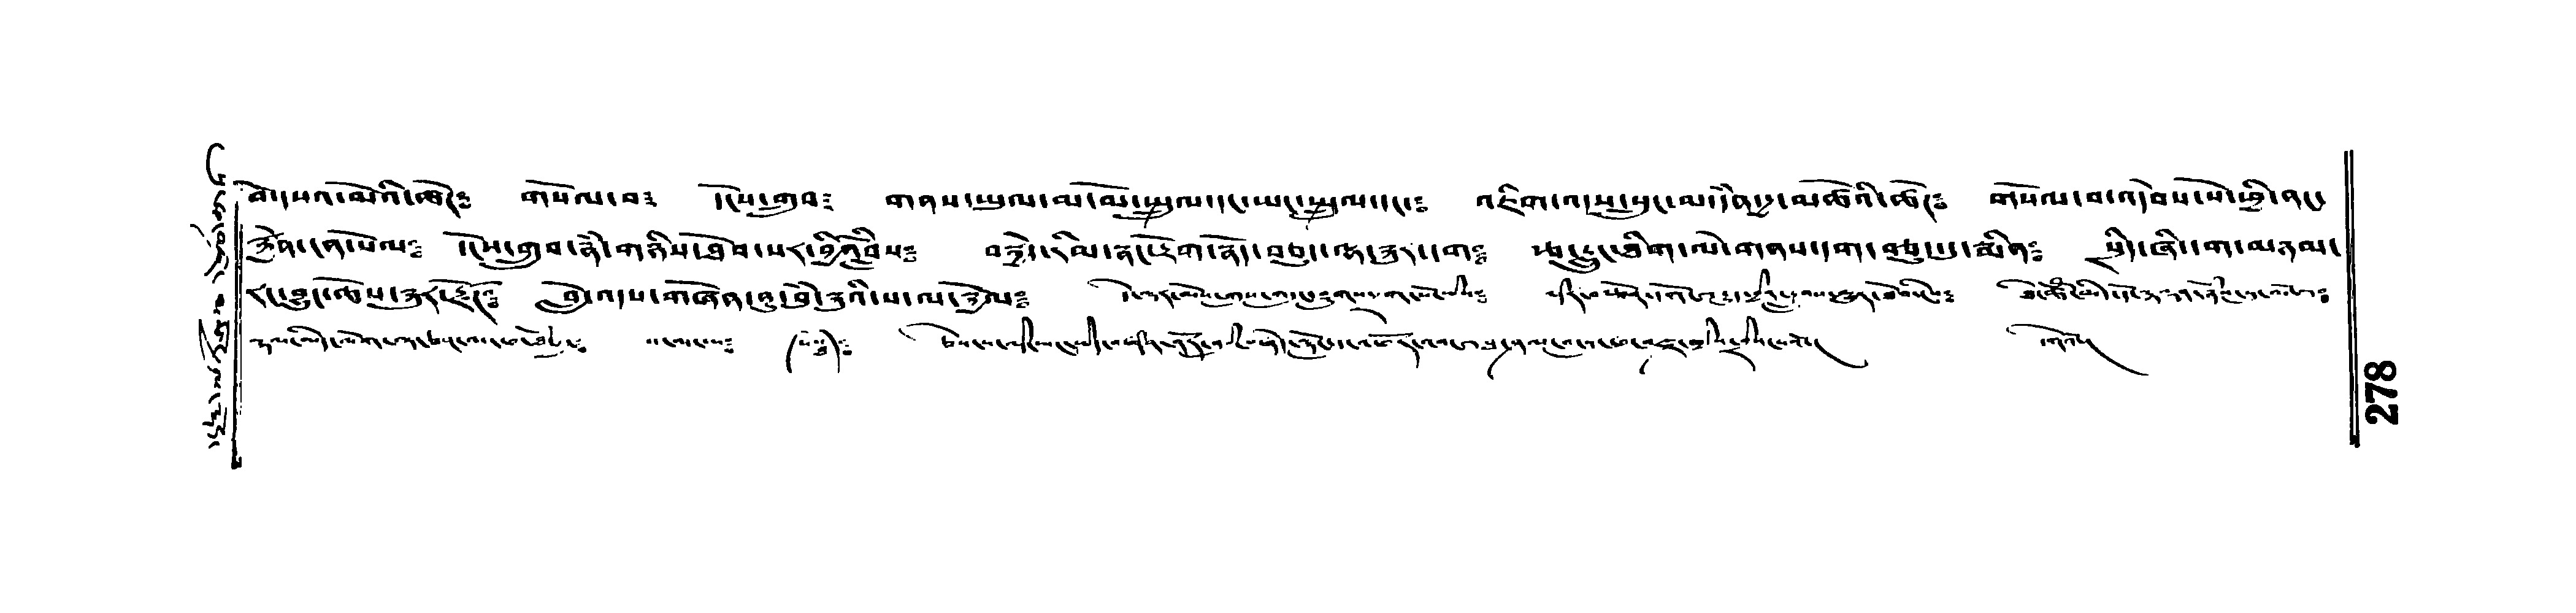བོ་དཔའ་མོའི་ཚོགས༔ གསོལ་བ༴ དངོས་གྲུབ༴ གནས་ཡུལ་མ་མོ་སྤྲུལ་དང་ཡང་སྤྲུལ་དང༔ འཇིག་འདས་སྲུང་མ་དམ་ཅན་རྒྱ་མཚོའི་ཚོགས༔ གསོལ་བ་འདེབས་སོ་ཕྱི་ནང་
རྐྱེན་ངན་སོལ༔ དངོས་གྲུབ་རྣམ་གཉིས་ཐོབ་པར་བྱིན་གྱིས་རློབས༔ བསྐྱེད་རིམ་སྣང་རྟོག་སྣོད་བཅུད་ལྷ་སྐུར་དག༔ རྩ་རླུང་ཐིག་ལེ་གནས་དག་བཅུད་དུ་སྨིན༔ སྲིད་ཞི་དག་མཉམ་
རང་བྱུང་ཆོས་སྐུར་རྫོགས༔ བློ་འདས་གཞོན་ནུ་བུམ་སྐུའི་ས་ལ་སྐྱོལ༔ དེ་ལྟར་མོས་གུས་གདུང་ཤུགས་དྲག་པོ་ཡིས༔ འདིར་བརྩོན་དགོངས་རྒྱུད་བྱིན་རླབས་མྱུར་ཐོབ་ངེས༔ ཐེ་ཚོམ་མེད་དོ་སྐལ་ལྡན་ཉམས་སུ་ལོངས༔ 
སྐལ་མེད་ལོག་ལྟ་ཅན་ལ་ཁ་ཐམ་རྒྱ༔ ས་མ་ཡ༔ ༔ ཅེས་པ་འདི་ཡང་ཡིད་བཞིན་ནོར་བུའི་བཞེད་སྐོང་དུ་འཁོར་འབངས་ཐ་ཤལ་བ་སུ་ཁ་བཛྲ་གྱིས་བྲིས་པའོ།། དགེའོ།།